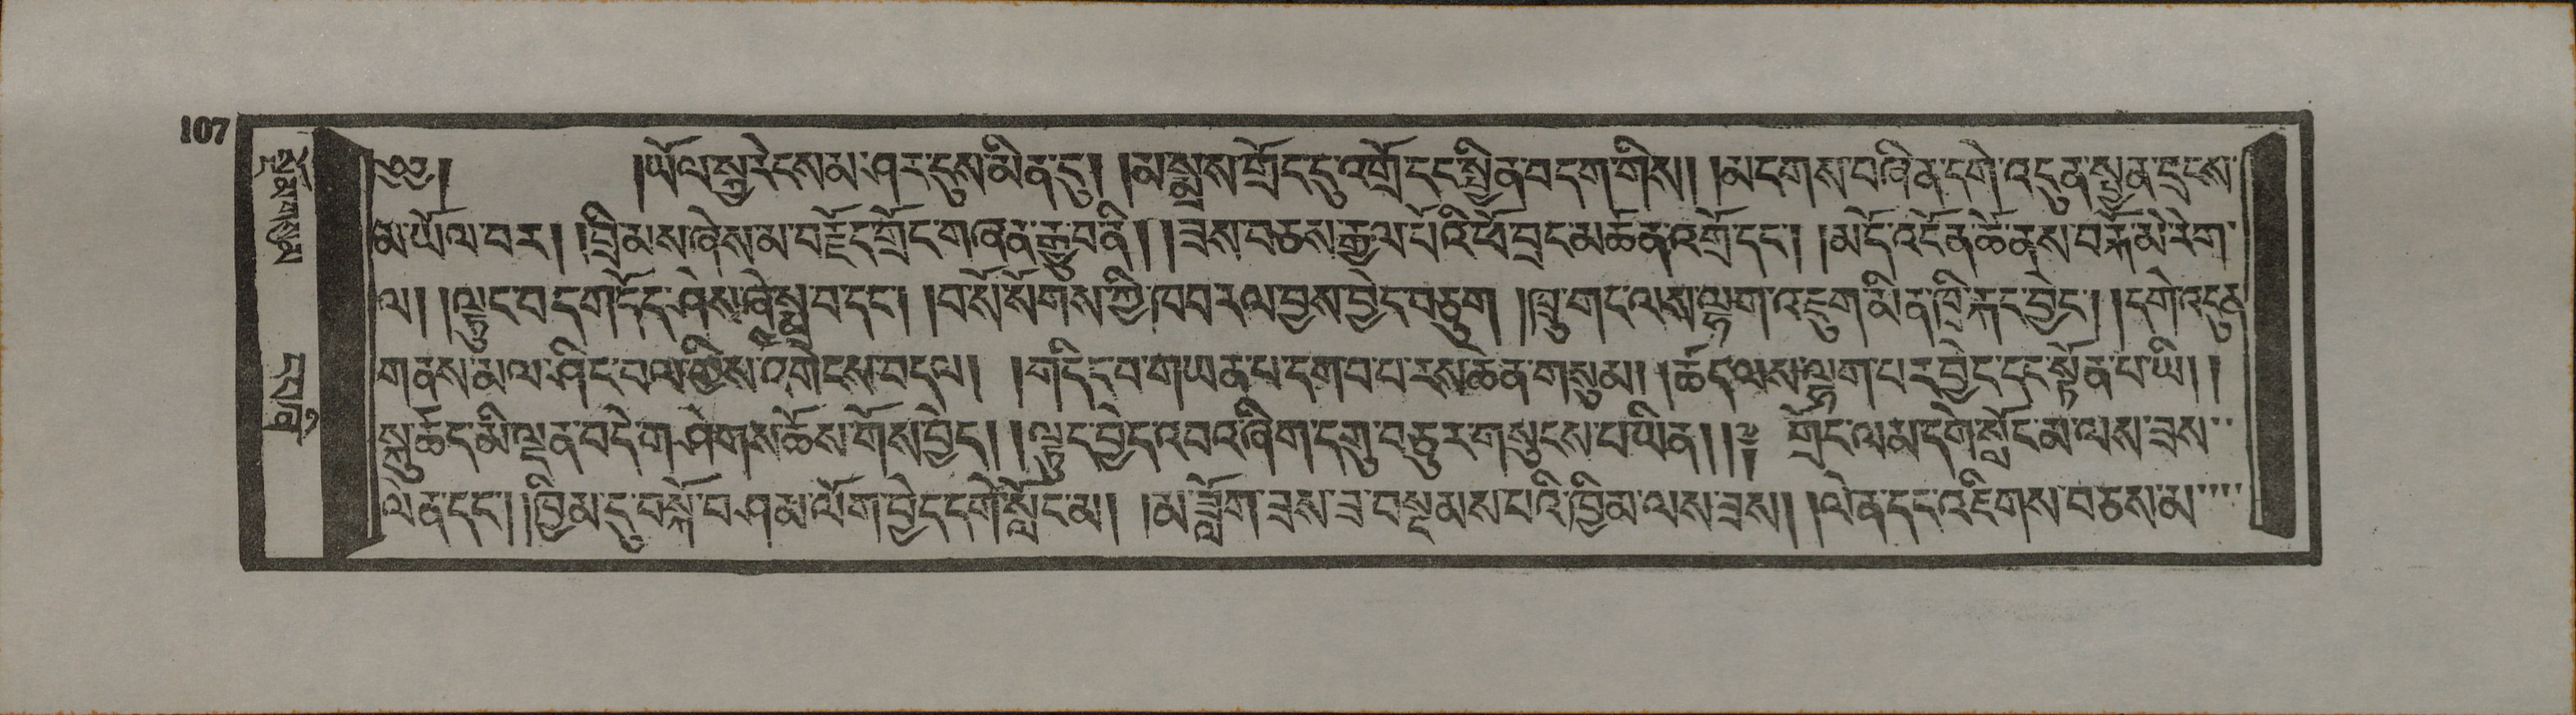༄༅། །ཡོལ་སྐྱ་རེངས་མ་ཤར་དུས་མིན་དུ། །མ་སྨྲས་གྲོང་དུ་འགྲོ་དང་སྦྱིན་བདག་གིས། །མདགས་བཞིན་དགེ་འདུན་སྤྱན་དྲངས་
མ་ཡོལ་བར། །བྲི་མས་ཞེས་མ་བརྗོད་གྲོང་གཞན་རྒྱུ་བ་ནི། །ཟས་བཅས་རྒྱལ་པོའི་ཕོ་བྲང་མཚན་འགྲོ་དང་། །མདོ་འདོན་ཚེ་ནས་བརྐོ་མེ་རེག་
ལ། །ལྟུང་བདག་གདོད་ཤེས་ཞེ་སྨ་བ་དང་། །བ་སོ་སོགས་ཀྱི་ཁབ་རལ་བྱས་བྱེད་བཅུག །ཁྲུ་གང་ལས་ལྷག་འཇུག་མིན་ཁྲི་རྐང་བྱེད། །དགེ་འདུན་
གནས་མལ་ཤིང་བལ་གྱིས་འགེངས་བདལ། །གདིང་བ་གཡན་པ་དགབ་པ་རས་ཆེན་གསུམ། །ཚད་ལས་ལྷག་པར་བྱེད་དང་སྟོན་པ་ཡི། །
སྐུ་ཚད་མི་ལྡན་བདེ་གཤེགས་ཆོས་གོས་བྱེད། །ལྟུང་བྱེད་འབའ་ཞིག་དགུ་བཅུར་གསུངས་པ་ཡིན། ། ༈ གྲོང་ལམ་དགེ་སློང་མ་ལས་ཟས་
ལེན་དང་། །ཁྱིམ་དུ་བསྐོ་བཤམ་ལོག་བྱེད་དགེ་སློང་མ། །མ་ཟློག་ཟས་ཟ་བསྡམས་པའི་ཁྱིམ་ལས་ཟས། །ལེན་དང་འཇིགས་བཅས་མ་